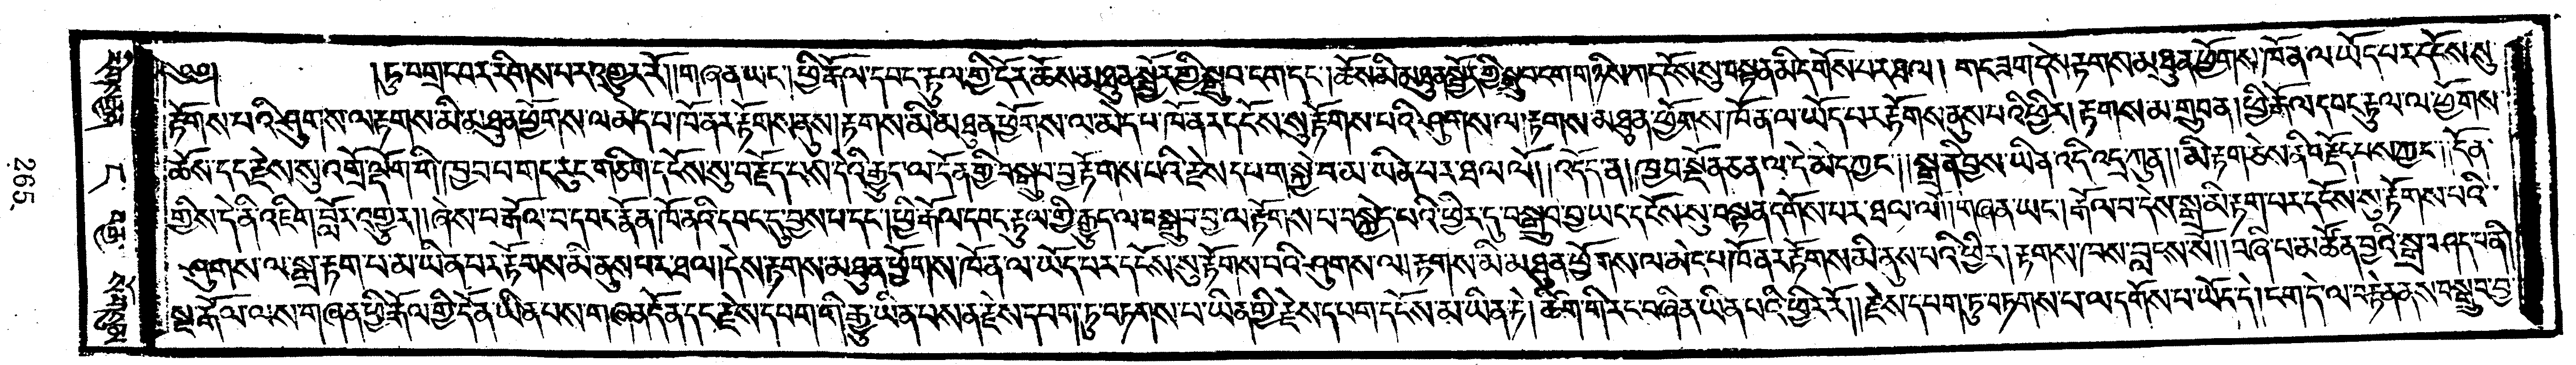༄༅། །ཏུ་བགྲང་བར་རིགས་པར་འགྱུར་རོ། །གཞན་ཡང་། ཕྱི་རྒོལ་དབང་རྟུལ་གྱི་ངོར་ཆོས་མཐུན་སྦྱོར་གྱི་སྒྲུབ་ངག་དང་། ཆོས་མི་མཐུན་སྦྱོར་གྱི་སྒྲུབ་ངག་གཉིས་ཀ་དངོས་སུ་བསྟན་མི་དགོས་པར་ཐལ། གང་ཟག་དེས་རྟགས་མཐུན་ཕྱོགས་ཁོ་ན་ལ་ཡོད་པར་དངོས་སུ་
རྟོགས་པའི་ཤུགས་ལ་རྟགས་མི་མཐུན་ཕྱོགས་ལ་མེད་པ་ཁོ་ནར་རྟོགས་ནུས། རྟགས་མི་མཐུན་ཕྱོགས་ལ་མེད་པ་ཁོ་ནར་དངོས་སུ་རྟོགས་པའི་ཤུགས་ལ། རྟགས་མཐུན་ཕྱོགས་ཁོ་ན་ལ་ཡོད་པར་རྟོགས་ནུས་པའི་ཕྱིར། རྟགས་མ་གྲུབ་ན། ཕྱི་རྒོལ་དབང་རྟུལ་ལ་ཕྱོགས་
ཆོས་དང་རྗེས་སུ་འགྲོ་ལྡོག་གི་ཁྱབ་པ་གང་རུང་གཅིག་དངོས་སུ་བརྗོད་པས་དེའི་རྒྱུད་ལ་དོན་གྱི་བསྒྲུབ་བྱ་རྟོགས་པའི་རྗེས་དཔག་སྐྱེ་བ་མ་ཡིན་པར་ཐལ་ལོ། །འདོད་ན། ཁྱབ་སྔོན་ཅན་ལ་དེ་མེད་ཀྱང་། །སྒྲ་ནི་བྱས་ཡིན་འདི་འདྲ་ཀུན། །མི་རྟག་ཅེས་ནི་བརྗོད་པས་ཀྱང་། །དོན་
གྱིས་དེ་ནི་འཇིག་བློར་འགྱུར། །ཞེས་པ་རྒོལ་བ་དབང་རྣོན་ཁོ་ནའི་དབང་དུ་བྱས་པ་དང་། ཕྱི་རྒོལ་དབང་རྟུལ་གྱི་རྒྱུད་ལ་བསྒྲུབ་བྱ་ལ་རྟོགས་པ་བསྐྱེད་པའི་ཕྱིར་དུ་བསྒྲུབ་བྱ་ཡང་དངོས་སུ་བསྟན་དགོས་པར་ཐལ་ལོ། །གཞན་ཡང་། རྒོལ་བ་དེས་སྒྲ་མི་རྟག་པར་དངོས་སུ་རྟོགས་པའི་
ཤུགས་ལ་སྒྲ་རྟག་པ་མ་ཡིན་པར་རྟོགས་མི་ནུས་པར་ཐལ། དེས་རྟགས་མཐུན་ཕྱོགས་ཁོ་ན་ལ་ཡོད་པར་དངོས་སུ་རྟོགས་པའི་ཤུགས་ལ། རྟགས་མི་མཐུན་ཕྱོགས་ལ་མེད་པ་ཁོ་ནར་རྟོགས་མི་ནུས་པའི་ཕྱིར། རྟགས་ཁས་བླངས་སོ། །བཞི་པ་མཚོན་བྱའི་སྒྲ་བཤད་པ་ནི།
སྔ་རྒོལ་ལས་གཞན་ཕྱི་རྒོལ་གྱི་དོན་ཡིན་པས་གཞན་དོན་དང་རྗེས་དཔག་གི་རྒྱུ་ཡིན་པས་ན་རྗེས་དཔག་ཏུ་བཏགས་པ་ཡིན་གྱི་རྗེས་དཔག་དངོས་མ་ཡིན་ཏེ། ཚིག་གི་རང་བཞིན་ཡིན་པའི་ཕྱིར་རོ། །རྗེས་དཔག་ཏུ་བཏགས་པ་ལ་དགོས་པ་ཡོད་དེ། ངག་དེ་ལ་བརྟེན་ནས་བསྒྲུབ་བྱ་